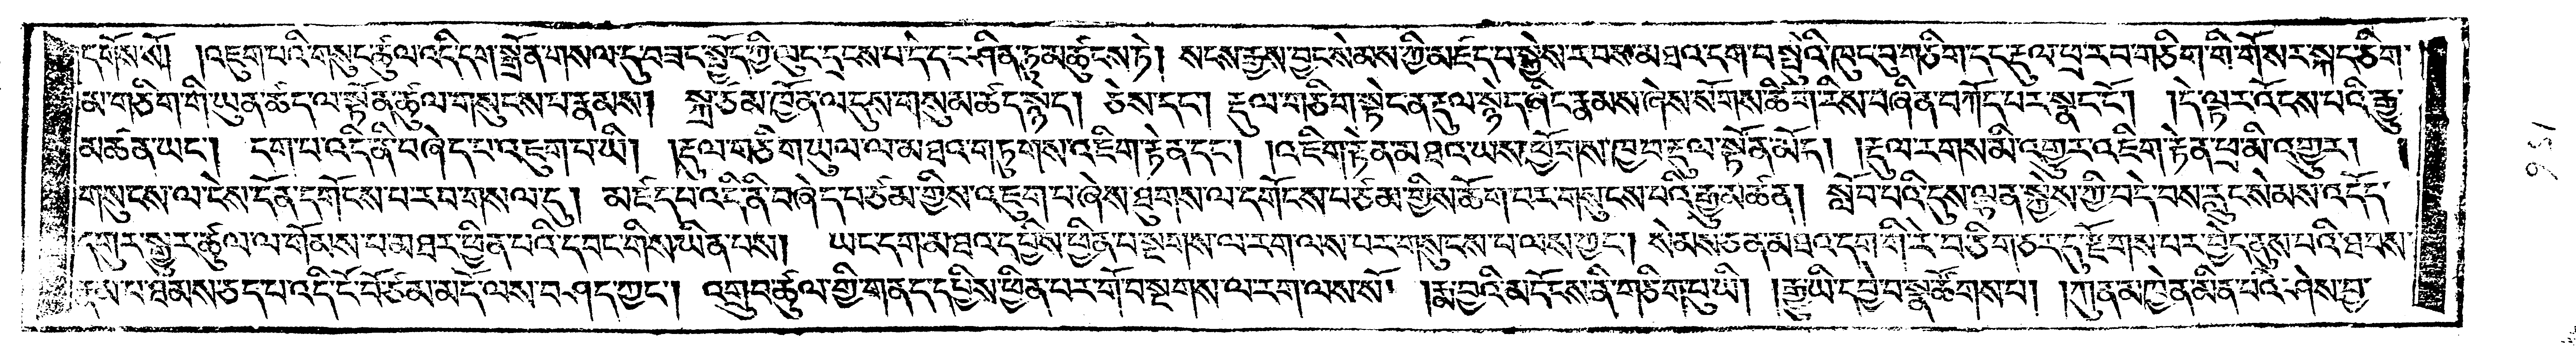དགོས་སོ། །འཇུག་པའི་གསུང་ཚུལ་འདི་དག་སྒོན་གསལ་དུ་བཟང་སྤྱོད་ཀྱི་ལུང་དྲངས་པ་དེ་དང་ཤིན་ཏུ་མཚུངས་ཏེ། སངས་རྒྱས་བྱང་སེམས་ཀྱི་མཛད་པ་སྐྱེས་རབས་མཐའ་དག་བ་སྤུའི་ཁུང་བུ་གཅིག་དང་རྡུལ་ཕྲ་རབ་གཅིག་གི་གོ་སར་སྐད་ཅིག་
མ་གཅིག་གི་ཡུན་ཚད་ལ་སྟོན་ཚུལ་གསུངས་པ་རྣམས། སྐྲ་ཙམ་ཁྱོན་ལ་དུས་གསུམ་ཚད་སྙེད། ཅེས་དང་། རྡུལ་གཅིག་སྟེང་ན་རྡུལ་སྙེད་ཞིང་རྣམས་ཞེས་སོགས་ཚིག་རིས་བཞིན་བཀོད་པར་སྣང་ངོ། །དེ་ལྟར་འོངས་པའི་རྒྱུ་
མཚན་ཡང་། དག་པ་འདི་ནི་བཞེད་པ་འཇུག་པ་ཡི། །རྡུལ་གཅིག་ཡུལ་ལ་མཐའ་གཏུགས་འཇིག་རྟེན་དང་། །འཇིག་རྟེན་མཐའ་ཡས་ཕྱོགས་ཁྱབ་རྡུལ་སྟོན་མོད། །རྡུལ་རགས་མི་འགྱུར་འཇིག་རྟེན་ཕྲ་མི་འགྱུར། །
གསུངས་ལ་ངེས་དོན་དགོངས་པ་རབ་གསལ་དུ། མཛད་པ་འདི་ནི་བཞེད་པ་ཙམ་གྱིས་འཇུག་པ་ཞེས་ཐུགས་ལ་དགོངས་པ་ཙམ་གྱིས་ཆོག་པར་གསུངས་པའི་རྒྱུ་མཚན། སློབ་པའི་དུས་ལྷན་སྐྱེས་ཀྱི་བདེ་བས་རླུང་སེམས་འདོད་
དགུར་སྒྱུར་ཚུལ་ལ་གོམས་པ་མཐར་ཕྱིན་པའི་དབང་གིས་ཡིན་པས། ཡང་དག་མཐའ་དཔྱིས་ཕྱིན་པ་སྔ་ཤས་ལ་རག་ལས་པར་གསུངས་པ་ལས་ཀྱང་། སེམས་ཅན་མཐའ་དག་གི་རེ་བ་ཅིག་ཅར་དུ་རྫོགས་པར་བྱེད་ནུས་པའི་ཐབས་
རྣམ་པ་ཐམས་ཅད་པ་འདི་ངོ་བོ་ཙམ་མདོ་ལས་བཤད་ཀྱང་། འགྲུབ་ཚུལ་གྱི་གནད་དཔྱིས་ཕྱིན་པར་གོ་བསྔགས་ལ་རག་ལས་སོ། །རྨ་བྱའི་མདོད་ས་ནི་གཅིག་པུ་ཡི། །རྒྱུ་ཡི་དབྱེ་བ་སྣ་ཚོགས་པ། །ཀུན་མཁྱེན་མིན་པའི་ཤེས་བྱ་